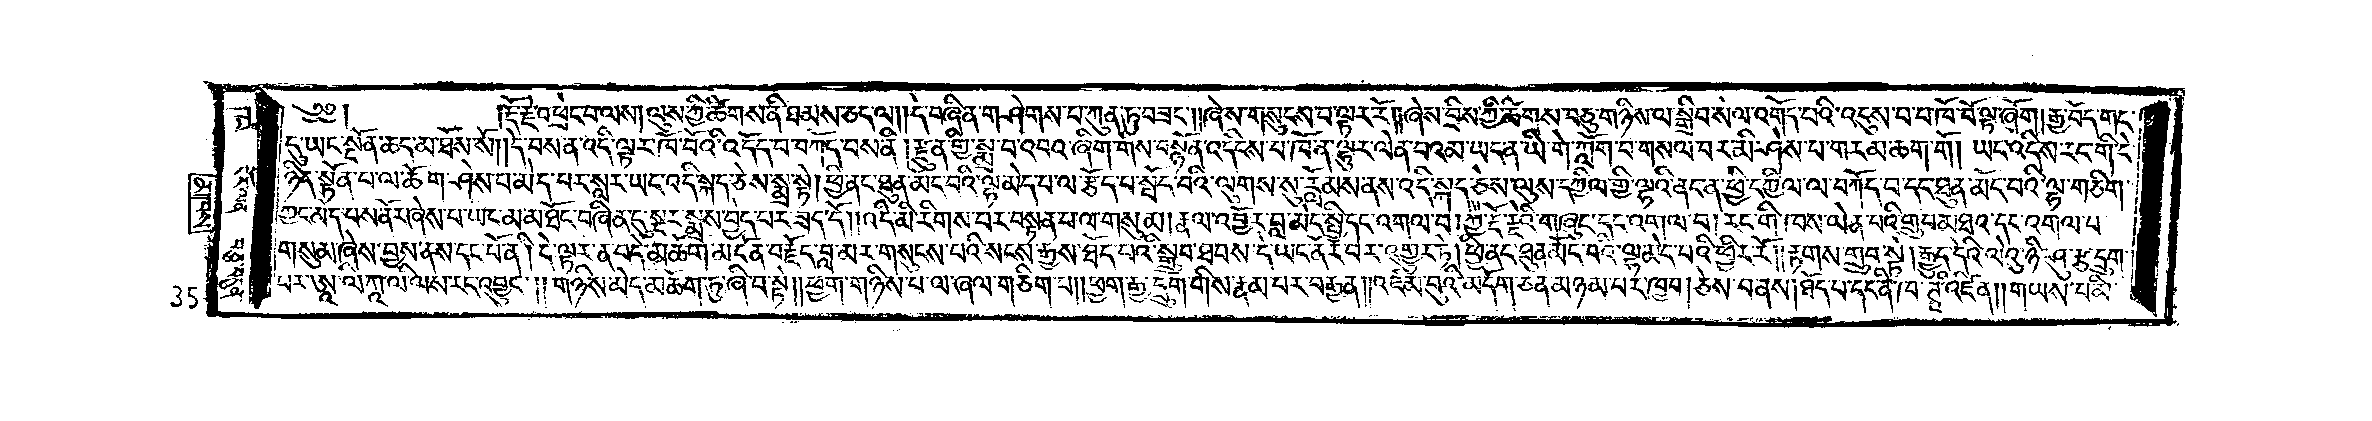༄༅། །རྡོ་རྗེ་འཕྲེང་བ་ལས། ལུས་ཀྱི་ཚིགས་ནི་ཐམས་ཅད་ལ། དེ་བཞིན་གཤེགས་པ་ཀུན་ཏུ་བཟང་། །ཞེས་གསུངས་པ་ལྟར་རོ། །ཞེས་བྲིས་ཀྱི་ཚིགས་བཅུ་གཉིས་ལ་སྒྲིབ་སེལ་འགོད་པའི་འདུས་པ་བ་ཁོ་བོ་ལྟ་ཞོག། རྒྱ་བོད་གང་
དུ་ཡང་སྔོན་ཆད་མ་ཐོས་སོ། །དེ་བས་ན་འདི་ལྟར་ཁོ་བོའི་འདོད་པ་བཀོད་པས་ནི། རྫུན་གྱི་སྨྲ་བ་འབའ་ཞིག་གས་བསྙོན་འདིངས་བ་ཁོ་ན་ལྷུར་ལེན་བའམ་ཡང་ན་ཡི་གེ་ཀློག་པ་གསལ་བར་མི་ཤེས་པ་གར་མ་ཆག་གོ། ཡང་འདིས་རང་གི་ངེ་
ཉིད་སྟོན་པ་ལ་ཆོག་ཤེས་པ་མེད་པར་སླར་ཡང་འདི་སྐད་ཅེས་སྨྲ་སྟེ། ཕྱི་ནང་ཐུན་མོང་བའི་ལྷ་མེད་པ་ལ་རྩོད་པ་སྤོང་བའི་ལུགས་སུ་རློམས་ནས་འདི་སྐད་ཅེས་ལུས་དཀྱིལ་གྱི་ལྷའི་ནང་ན་ཕྱི་དཀྱིལ་ལ་བཀོད་པ་དང་ཐུན་མོང་བའི་ལྷ་གཅིག་
ཀྱང་མེད་པས་ནོར་ཞེས་པ་ཡང་མ་མཐོང་བཞིན་དུ་སྔར་སྨྲས་བྱེད་པར་ཟད་དོ། །འདི་མི་རིགས་པར་བསྟན་པ་ལ་གསུམ། རྣལ་འབྱོར་བླ་མེད་སྤྱི་དང་འགལ་བ། ཀྱཻ་རྡོ་རྗེའི་གཞུང་དང་འགལ་བ། རང་གི་ཁས་ལེན་པའི་གྲུབ་མཐའ་དང་འགལ་བ་
གསུམ་ཞེས་བྱས་ནས་དང་པོ་ནི། དེ་ལྟ་ན་བདེ་མཆོག་མངོན་རྗོད་བླ་མར་གསུངས་པའི་སངས་རྒྱས་ཐོད་པའི་སྒྲུབ་ཐབས་དེ་ཡང་ནོར་བར་འགྱུར་ཏེ། ཕྱི་ནང་ཐུན་མོང་བའི་ལྷ་མེད་པའི་ཕྱིར་རོ། །རྟགས་གྲུབ་སྟེ། རྒྱུད་དེའི་ལེའུ་ཉི་ཤུ་རྩ་དྲུག་
པར་ཨཱ་ལི་ཀཱ་ལི་ལས་རང་འབྱུང་། །གཉིས་མེད་མཆོག་ཏུ་ཞི་བ་སྟེ། །ཕྱག་གཉིས་པ་ལ་ཞལ་གཅིག་པ། །ཕྱག་རྒྱ་དྲུག་གིས་རྣམ་པར་བརྒྱན། །འཛམ་བུའི་མདོག་ཅན་མཉམ་པར་ཁྱབ། ཅེས་པ་ནས། ཐོད་པ་དང་ནི་ཁ་ཊཱཾ་འཛིན། །གཡས་པ་མི་